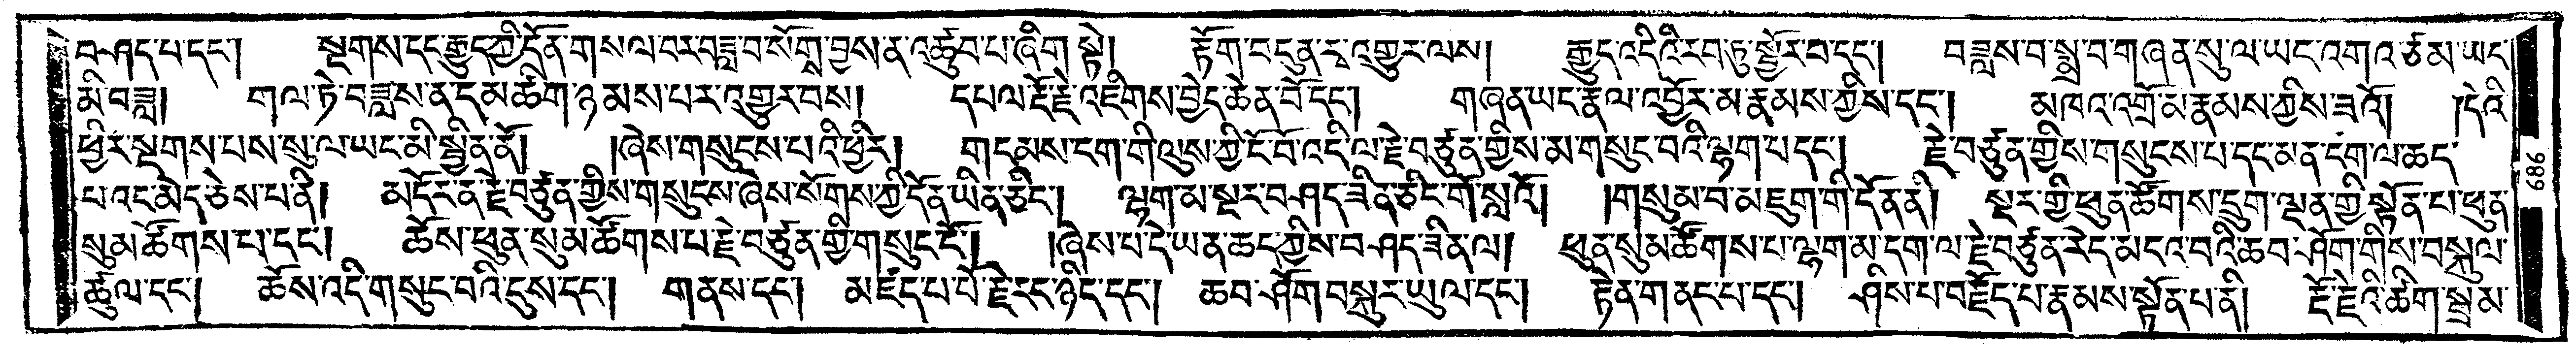བཤད་པ་དང་། སྔགས་དང་རྒྱུད་ཀྱི་དོན་གསལ་བར་བཟླ་བ་སོགས་བྱས་ན་འཚུབ་པ་ཞིག་སྟེ། རྟོག་བདུན་རྭ་འགྱུར་ལས། རྒྱུད་འདིའི་རབ་ཏུ་སྦྱོར་བ་དང་། བཟླས་བ་སྨྲ་བ་གཞན་སུ་ལ་ཡང་འགའ་ཙམ་ཡང་
མི་བཟླ། གལ་ཏེ་བཟླས་ན་དམ་ཚིག་ཉམས་པར་འགྱུར་བས། དཔལ་རྡོ་རྗེ་འཇིགས་བྱེད་ཆེན་བོ་དང་། གཞན་ཡང་རྣལ་འབྱོར་མ་རྣམས་ཀྱིས་དང་། མཁའ་འགྲོ་མ་རྣམས་ཀྱིས་ཟའོ། །དེའི་
ཕྱིར་སྔགས་པས་སུ་ལ་ཡང་མི་སྦྱིན་ནོ། །ཞེས་གསུངས་པའི་ཕྱིར། གདམས་ངག་གི་ལུས་ཀྱི་ངོ་བོ་འདི་ལ་རྗེ་བཙུན་གྱིས་མ་གསུང་བའི་ལྷག་པ་དང་། རྗེ་བཙུན་གྱིས་གསུངས་པ་དང་མན་ངག་ལ་ཆད་
པའང་མེད་ཅེས་པ་ནི། མདོར་ན་རྗེ་བཙུན་གྱིས་གསུངས་ཞེས་སོགས་ཀྱི་དོན་ཡིན་ཅིང་། ལྷག་མ་སྔར་བཤད་ཟིན་ཅིང་གོ་སླའོ། །གསུམ་བ་མཇུག་གི་དོན་ནི། སྔར་གྱི་ཕུན་ཚོགས་དྲུག་ལྡན་གྱི་སྟོན་པ་ཕུན་
སུམ་ཚོགས་པ་དང་། ཆོས་ཕུན་སུམ་ཚོགས་པ་རྗེ་བཙུན་གྱི་གསུང་ངོ། །ཞེས་པ་དེ་ཡན་ཆད་ཀྱིས་བཤད་ཟིན་ལ། ཕུན་ཚུམ་ཚོགས་པ་ལྷག་མ་དག་ལ་རྗེ་བཙུན་རེད་མདའ་བའི་ཆབ་ཤོག་གིས་བསྐུལ་
ཚུལ་དང་། ཆོས་འདི་གསུང་བའི་དུས་དང་། གནས་དང་། མཛད་པ་པོ་རྗེ་རང་ཉིད་དང་། ཆབ་ཤོག་བསྐུར་ཡུལ་དང་། རྟེན་གནང་པ་དང་། ཤིས་པ་བརྗོད་པ་རྣམས་སྟོན་པ་ནི། རྡོ་རྗེའི་ཚིག་སྦྲམ་